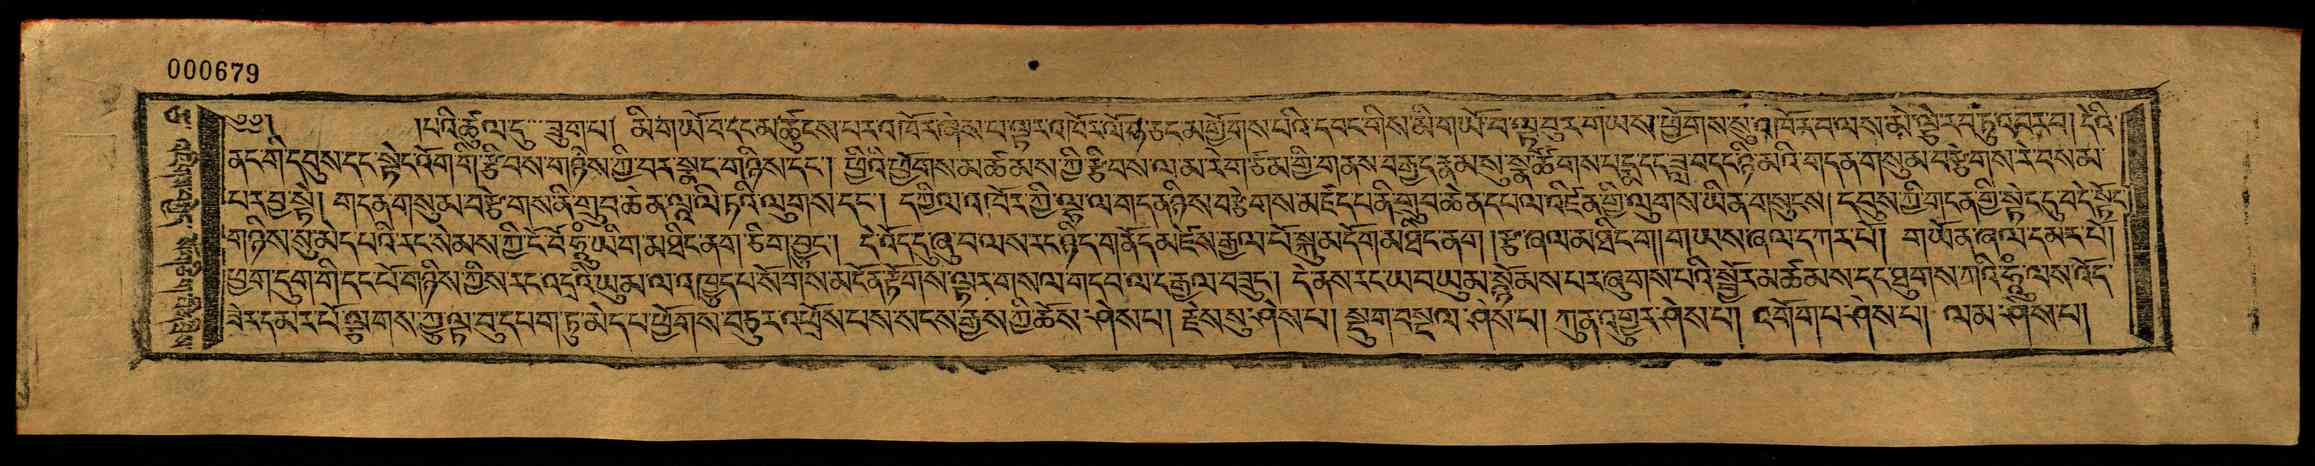༄༅། །བའི་ཚུལ་དུ་ཟུག་པ། མི་གཡོ་བ་དང་མཚུངས་པར་འཁོར་ཞེས་པ་ལྟར་འཁོར་ལོ་ཧ་ཅང་མགྱོགས་པའི་དབང་གིས་མི་གཡོ་བ་ལྟ་བུར་གཡས་ཕྱོགས་སུ་འཁོར་བ་ལས་མེ་ལྕེ་རབ་ཏུ་འབར་བ། དེའི་
ནང་གི་དབུས་དང་སྟེང་འོག་གི་རྩིབས་གཉིས་ཀྱི་བར་སྣང་གཉིས་དང་། ཕྱིའི་ཕྱོགས་མཚམས་ཀྱི་རྩིབས་ལ་མ་རེག་ཙམ་གྱི་གནས་བརྒྱད་རྣམས་སུ་སྣ་ཚོགས་པདམ་དང་ཟླ་བ་དང་ཉི་མའི་གདན་གསུམ་བརྩེགས་རེ་བསམ་
པར་བྱ་སྟེ། གདན་གསུམ་བརྩེགས་ནི་གྲུབ་ཆེན་ལཱ་ལི་ཏའི་ལུགས་དང་། དཀྱིལ་འཁོར་གྱི་ལྷ་ལ་གདན་ཉིས་བརྩེགས་མཛད་པ་ནི་གྲུབ་ཆེན་དཔལ་འཛིན་གྱི་ལུགས་ཡིན་གསུངས། དབུས་ཀྱི་གདན་གྱི་སྟེང་དུ་བདེ་སྟོང་
གཉིས་སུ་མེད་པའི་རང་སེམས་ཀྱི་ངོ་བོ་ཧཱུཾ་ཡིག་མཐིང་ནག་ཅིག་བྱུང་། དེ་འོད་དུ་ཞུ་བ་ལས་རང་ཉིད་གནོད་མཛེས་རྒྱལ་པོ་སྐུ་མདོག་མཐིང་ནག །རྩ་ཞལ་མཐིང་ག །གཡས་ཞལ་དཀར་པོ། གཡོན་ཞལ་དམར་པོ།
ཕྱག་དྲུག་གི་དང་པོ་གཉིས་ཀྱིས་རང་འདྲའི་ཡུམ་ལ་འཁྱུད་པ་སོགས་མངོན་རྟོགས་ལྟར་གསལ་གདབ་ལ་ང་རྒྱལ་བཟུང་། དེ་ནས་རང་ཡབ་ཡུམ་སྙོམས་པར་ཞུགས་པའི་སྦྱོར་མཚམས་དང་ཐུགས་ཀའི་ཧཱུཾ་ལས་འོད་
ཟེར་དམར་པོ་ལྕགས་ཀྱུ་ལྟ་བུ་དཔག་ཏུ་མེད་པ་ཕྱོགས་བཅུར་འཕྲོས་པས་སངས་རྒྱས་ཀྱི་ཆོས་ཤེས་པ། རྗེས་སུ་ཤེས་པ། སྡུག་བསྔལ་ཤེས་པ། ཀུན་འབྱུང་ཤེས་པ། འགོག་པ་ཤེས་པ། ལམ་ཤེས་པ།